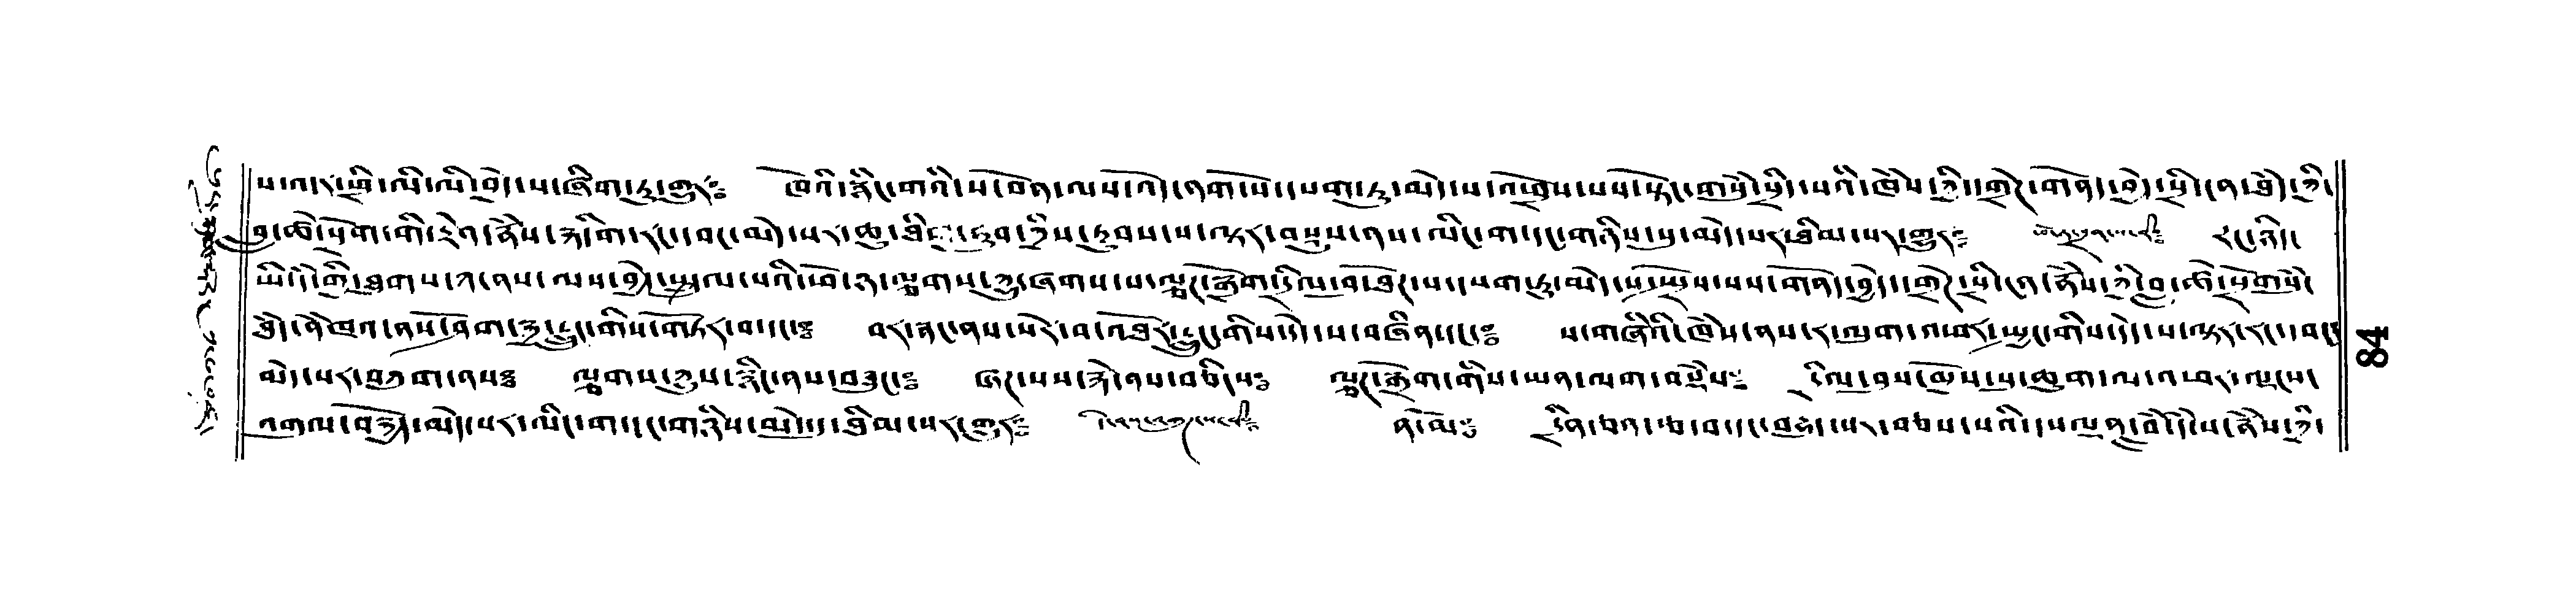པ་འདར་ཕྲི་ལི་ལི་བྱེད་པ་ཞིག་ཏུ་གྱུར༔ ཁོའི་སྙིང་གའི་ས་བོན་ལས་འོད་ནག་པོ་དཔག་ཏུ་མེད་པ་འཕྲོས་པས་སྟོང་གསུམ་སྲིད་པའི་ཁམས་ཀྱི་དགྲ་བགེགས་གནོད་བྱེད་སྲི་ངན་ཐམས་ཅད་ཀྱི་
བླ་ཚེ་སྲོག་གི་རྟེན་རྣམས་སྐད་ཅིག་རང་དབང་མེད་པར་ཆུ་ཐིག་ཧུབ་ཀྱིས་ཏུངས་པ་ལྟར་བསྡུས་ནས་ལིང་ག་དང་གཉིས་སུ་མེད་པར་ཐིམ་པར་གྱུར༔ཕོ་ཉ་བྲན་པ་ནི༔ རང་ཉིད་
ཡི་དམ་གྱི་ཐུགས་ཀ་ནས་ལས་བྱེད་སྤྲུལ་པའི་ཕོ་ཉ་ལྕགས་ཀྱུ་ཞགས་པ་ལྕགས་སྒྲོག་དྲིལ་བུ་ཐོགས་པ་དཔག་ཏུ་མེད་པ་སྤྲོས་པས་གནོད་བྱེད་དགྲ་བགེགས་སྲི་ངན་རྣམས་ཀྱི་བླ་ཚེ་སྲོག་གསུམ་
ཐམས་ཅད་ནམ་མཁའ་ནས་ཤོག་སྐྱ་རླུང་གིས་གཏོར་བ་དང༔ བར་སྣང་ནས་སེར་བ་འཐོར་རླུང་གིས་དེད་པ་བཞིན་དང༔ ས་གཞིའི་ཁམས་ནས་ར་ལུག་འཕར་སྤྱང་གིས་དེད་པ་ལྟར་རང་དབང་
མེད་པར་བཀུག་ནས༔ ལྕགས་ཀྱུས་སྙིང་ནས་བཟུང༔ ཞགས་པས་རྐེ་ནས་བཅིངས༔ ལྕགས་སྒྲོག་གིས་ཡན་ལག་བསྡམས༔ དྲིལ་བུས་མྱོས་སུ་ཆུག་ལ་འཕར་ལྡང་
འགུལ་བསྐྱོད་མེད་པར་ལིང་ག་དང་གཉིས་མེད་དུ་ཐིམ་པར་གྱུར༔ དེ་ནས་འགུགས་པ་ནི༔ ན་མོ༔ དྲིན་ཅན་རྩ་བ་དང་བརྒྱུད་པར་བཅས་པའི་དཔལ་ལྡན་བླ་མ་དམ་རྣམས་ཀྱི་